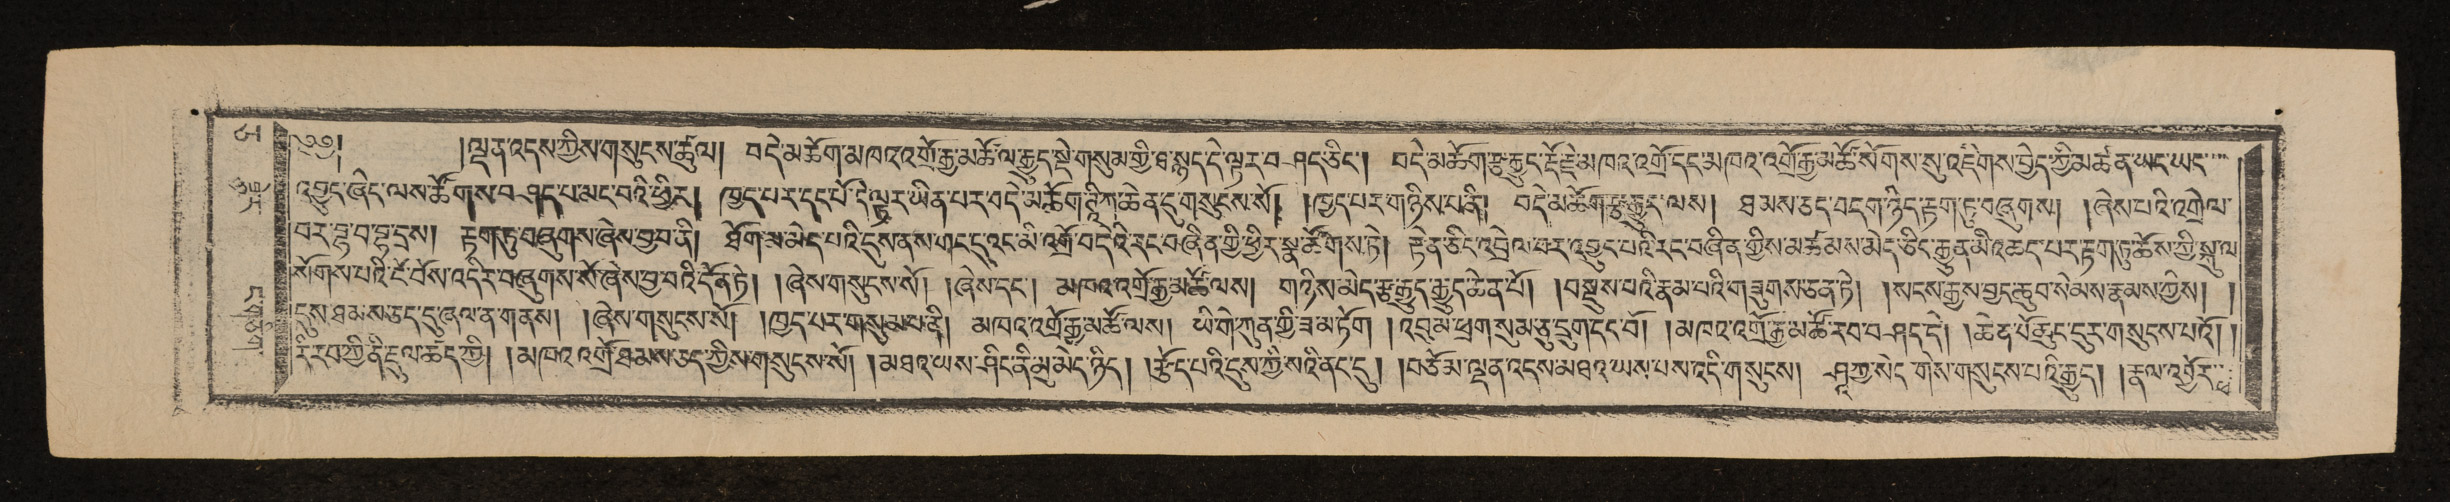༄༅། །ལྡན་འདས་ཀྱིས་གསུངས་ཚུལ། བདེ་མཆོག་མཁའ་འགྲོ་རྒྱ་མཚོ་ལ་རྒྱུད་སྡེ་གསུམ་གྱི་ཐ་སྙད་དེ་ལྟར་བཤད་ཅིང་། བདེ་མཆོག་རྩ་རྒྱུད་རྡོ་རྗེ་མཁའ་འགྲོ་དང་མཁའ་འགྲོ་རྒྱ་མཚོ་སོགས་སུ་འཇིགས་བྱེད་ཀྱི་མཚན་ཡང་ཡང་
འབྱུང་ཞིང་ལས་ཚོགས་བཤད་པ་མང་པའི་ཕྱིར། ཁྱད་པར་དང་པོ་དེ་ལྟར་ཡིན་པར་བདེ་མཆོག་ཊཱིཀ་ཆེན་དུ་གསུངས་སོ། །ཁྱད་པར་གཉིས་པ་ནི། བདེ་མཆོག་རྩ་རྒྱུད་ལས། ཐམས་ཅད་བདག་ཉིད་རྟག་ཏུ་བཞུགས། །ཞེས་པའི་འགྲེལ་
བར་བྷ་བ་བྷ་དྲས། རྟག་ཏུ་བཞུགས་ཞེས་བྱ་བ་ནི། ཐོག་མ་མེད་པའི་དུས་ནས་གང་དུའང་མི་འགྲོ་བ་དེའི་རང་བཞིན་གྱི་ཕྱིར་སྣ་ཚོགས་ཏེ། རྟེན་ཅིང་འབྲེལ་བར་འབྱུང་པའི་རང་བཞིན་གྱིས་མཚམས་མེད་ཅིང་རྒྱུན་མི་འཆད་པར་རྟག་ཏུ་ཆོས་ཀྱི་སྐུ་ལ་
སོགས་པའི་ངོ་བོས་འདིར་བཞུགས་སོ་ཞེས་བྱ་པའི་དོན་ཏོ། །ཞེས་གསུངས་སོ། །ཞེས་དང་། མཁའ་འགྲོ་རྒྱ་མཚོ་ལས། གཉིས་མེད་རྩ་རྒྱུད་རྒྱུད་ཆེན་པོ། །བསྡུས་པའི་རྣམ་པའི་གཟུགས་ཅན་ཏེ། །སངས་རྒྱས་བྱང་ཆུབ་སེམས་རྣམས་ཀྱིས། །
དུས་ཐམས་ཅད་དུ་ཞལ་ན་གནས། །ཞེས་གསུངས་སོ། །ཁྱད་པར་གསུམ་པ་ནི། མཁའ་འགྲོ་རྒྱ་མཚོ་ལས། ཡི་གེ་ཀུན་གྱི་ཟ་མ་ཏོག །འབུམ་ཕྲག་སུམ་ཅུ་དྲུག་དང་པོ། །མཁའ་འགྲོ་རྒྱ་མཚོ་རབ་བཤད་དེ། །ཆེན་པོ་ཆུང་ངུར་གསུངས་པའོ།།
རི་རབ་ཀྱི་ནི་རྡུལ་ཚད་ཀྱི། །མཁའ་འགྲོ་ཐམས་ཅད་ཀྱིས་གསུངས་སོ། །མཐའ་ཡས་ཤིང་ནི་མུ་མེད་ཉིད། །རྩོད་པའི་དུས་ཀྱི་སའི་ནང་དུ། །བཅོམ་ལྡན་འདས་མཐའ་ཡས་པས་འདི་གསུངས། ཤཱཀྱ་སེང་གེས་གསུངས་པའི་རྒྱུད། །རྣལ་འབྱོར་ཕ་